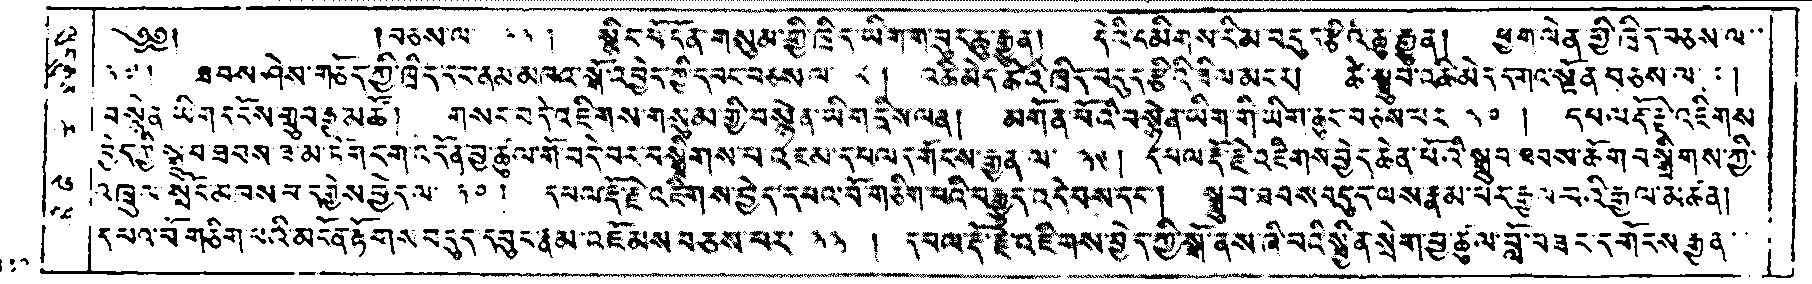༄༅། །བཅས་ལ ༢༣། སྙིང་པོ་དོན་གསུམ་གྱི་ཁྲིད་ཡིག་ག་བུར་ཆུ་རྒྱུན། དེའི་དམིགས་རིམ་བདུད་རྩིའི་ཆུ་རྒྱུན། ཕྱག་ལེན་གྱི་ཁྲིད་བཅས་ལ་
༢༧། ཐབས་ཤེས་གཅོད་ཀྱི་ཁྲིད་དང་ནམ་མཁའ་སྒོ་འབྱེད་ཀྱི་དབང་བཅས་ལ ༢༨། འཆི་མེད་ཚེའི་ཁྲིད་བདུད་རྩིའི་ཟིལ་མངར། ཚེ་སྒྲུབ་འཆི་མེད་དགའ་སྟོན་བཅས་ལ ༩།
བསྙེན་ཡིག་དངོས་གྲུབ་རྒྱ་མཚོ། གསང་བདེ་འཇིགས་གསུམ་གྱི་བསྙེན་ཡིག་དྲིས་ལན། མགོན་པོའི་བསྙེན་ཡིག་གི་ཡིག་ཆུང་བཅས་པར ༣༠། དཔལ་རྡོ་རྗེ་འཇིགས་
བྱེད་ཀྱི་སྒྲུབ་ཐབས་ཟ་མ་ཏོག་ངག་འདོན་བྱ་ཚུལ་གོ་བདེ་བར་བསྒྲིགས་པ་འཇམ་དཔལ་དགོངས་རྒྱན་ལ ༣༤། དཔལ་རྡོ་རྗེ་འཇིགས་བྱེད་ཆེན་པོའི་སྒྲུབ་ཐབས་ཆོག་བསྒྲིགས་ཀྱི་
འཁྲུལ་སྤོང་མཁས་པ་དགྱེས་བྱེད་ལ ༢༠། དཔལ་རྡོ་རྗེ་འཇིགས་བྱེད་དཔའ་བོ་གཅིག་པའི་བརྒྱུད་འདེབས་དང་། སྒྲུབ་ཐབས་བདུད་ལས་རྣམ་པར་རྒྱལ་བའི་རྒྱལ་མཚན།
དཔའ་བོ་གཅིག་པའི་མངོན་རྟོགས་བདུད་དཔུང་རྣམ་འཇོམས་བཅས་པར ༣༣། དཔལ་རྡོ་རྗེ་འཇིགས་བྱེད་ཀྱི་སྒོ་ནས་ཞི་བའི་སྦྱིན་སྲེག་བྱ་ཚུལ་བློ་བཟང་དགོངས་རྒྱན་